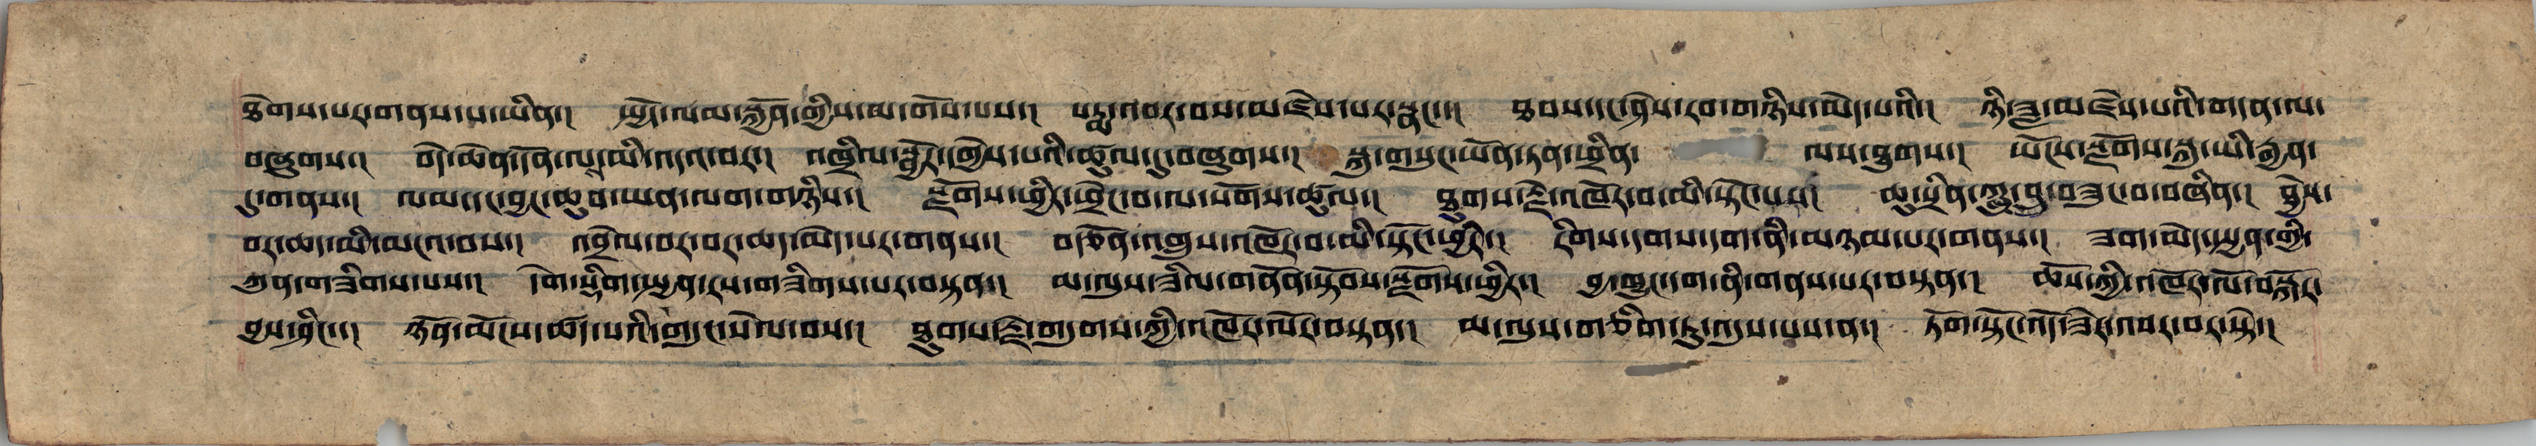ཐེགས་པར་གནས་པ་ཡིན་། སྤྱོད་ལམ་སྐྱོན་གྱིས་མ་གོས་པས་། པདྨ་འབར་བས་མཛེས་པར་སྣང་་། ཐབས་དང་ཤེས་རབ་གཉིས་མེད་པའི་། ཉི་ཟླ་མཛེས་པའི་གདན་ལ་
བཞུགས་། བདེ་ཆེན་དོན་ལས་མི་འདའ་བར་། འཁྲིལ་སྦྱོར་དགྱེས་པའི་ཚུལ་དུ་བཞུགས་། སྐུ་གསུང་ཡོན་ཏན་ཕྲིན་ ལས་ཐུགས་། ཡོངས་སྫོགས་སྐུ་ཡི་རྒྱན་
དུ་གནས་། ལམ་དང་བྱང་ཆུབ་ཡན་ལག་གཉིས་། སྫོགས་ཕྱིར་ཕྲེང་བ་ལ་སོགས་ཚུལ་། ཐུགས་རྗེ་འཁོར་བ་མི་སྟོང་པས། ཆུ་སྲིན་ཀླུ་བྲུ་བཟུང་བ་བཞིན་། ཐྱེས་
བར་ཆད་མི་མངའ་བས་། འབྲེལ་བར་བར་ཆད་མེད་པར་གནས་། བརྩོན་འགྲུས་འཁོར་བ་མི་སྟོང་ཕྱིར་། རིགས་དགས་དག་ནི་མཉམ་པར་གནས་། ཟག་མེད་སྤྱན་གྱི་
ཀུན་གཟིགས་པས་། དགེ་སྡིག་སྤྱན་རས་གཟིགས་པར་བསྟན་། མ་ལུས་ཟིལ་གནོན་སྟོབས་སྫོགས་ཕྱིར་། བྱ་ཁྱུང་དག་ནི་གནས་པར་བསྟན་། ཆོས་ཀྱི་འཁོར་ལོ་བསྐོར་
བྱས་ཤིང་་། ཉོན་མོངས་ཚད་པའི་གདུང་སེལ་བས་། ཐུགས་རྗེ་གདུགས་ཀྱི་འཁོར་ལོར་བསྟན་། མ་ལུས་གཅིག་ཏུ་འདུས་པས་ན་། ཏོག་སྟོང་འོད་ཟེར་འབར་བར་སྟེ་།